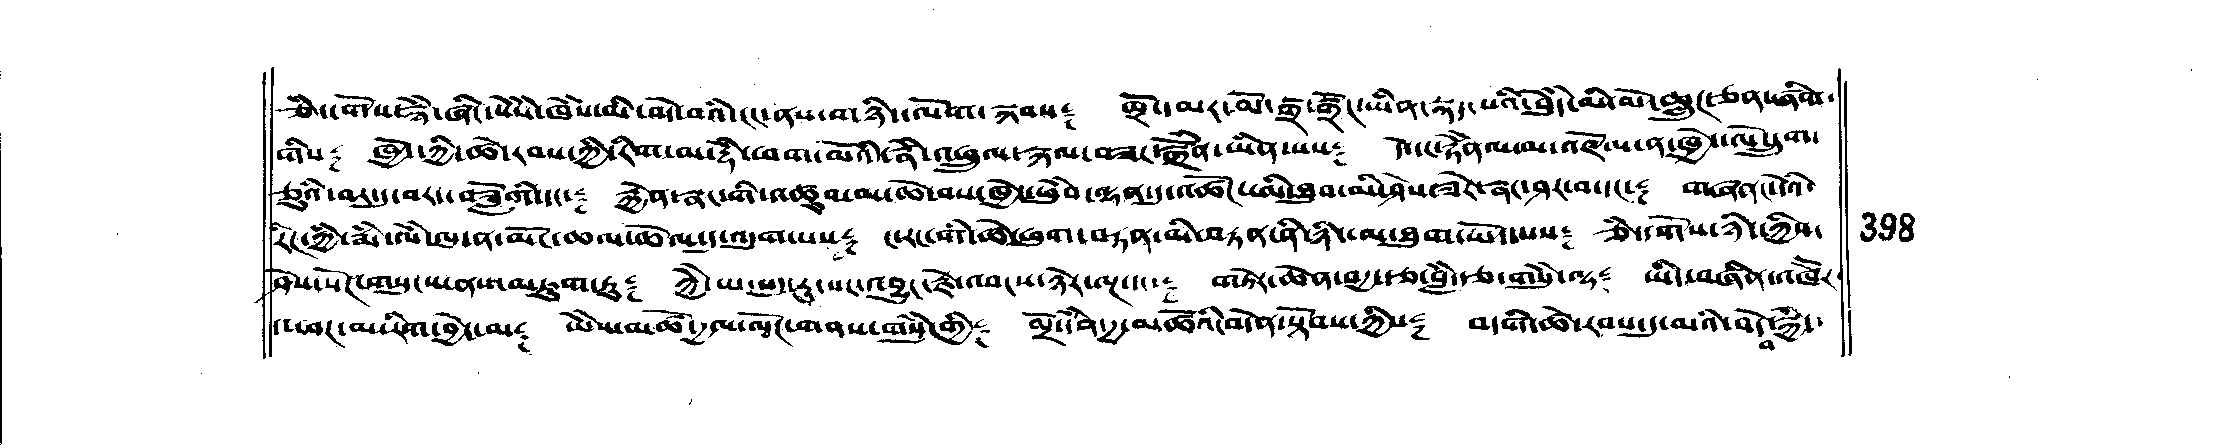ཅི་དགོས་སྙམ་ཞིང་སེམས་ཁམས་མི་བདེ་བའི་ངང་ནས་གཉིད་ལོག་སྐབས། མཁའ་འགྲོ་དམར་མོ་སྒྲ་སྒྲོགས་ཡིན་སྐད་པའི་བུད་མེད་མི་མོ་ཆུ་རླུང་ཅན་ཞིག་
གིས།ཁྱེད་ཀྱི་ཚེ་རབས་ཀྱི་རིག་མ་རྡོ་རྗེ་ཕག་མོའི་རྣམ་འཕྲུལ་སྐལ་བཟང་སྒྲོལ་མ་ཡིན་པས། དེ་དང་རྟེན་འབྲེལ་མ་འཛོལ་ན་ཁྱེད་ལོ་དྲུག་
ཅུའི་བར་དུ་བར་ཆད་བཟློག་གི་དང་། རྐྱེན་སྣང་གི་འཚུབ་མ་ཆེ་བས་ཁྱེད་ཡབ་ཡུམ་ལྷན་དུ་འཚོགས་ཨི་ཐུབ་མི་ཤེས་ཟེར་སྣང་ཤར་བ་དང་། གཞན་ཡང་དེའི་
རིགས་ཀྱི་རྨི་ལམ་ལུང་བསྟན་མང་པོ་ཆལ་ཆོལ་དུ་འདུག་པས། ང་རང་གི་ཚེ་ཕུག་བརྟན་མི་བརྟན་ནི་ཉིད་ལ་ཐུག་ཡོད་པས། ཅི་དགོས་ཉིད་ཀྱིས་
ཤེས་སོགས་གསུངས་ནས་མཇུག་ཏུ། ཀྱཻ་མ་གུ་རུ་པད་འབྱུང་རྗེ་འབངས་ཉེར་ལྔ་དང་། །གཏེར་ཆེན་བརྒྱ་རྩ་བླ་མ་རྩ་གསུམ་ལྷ། །ཡིད་བཞིན་འཁོར་ལོར་
འཕགས་མ་རིག་བྱེད་མ། །ཡེ་ཤེས་མཚོ་རྒྱལ་ལ་སོགས་གནས་གསུམ་གྱི། །མཁའ་འགྲོ་བདེ་ཆེན་རྒྱ་མཚོའི་བདེན་སྟོབས་ཀྱིས། །བདག་གི་ཚེ་རབས་དུ་མའི་བདེ་བསྐྱེད་